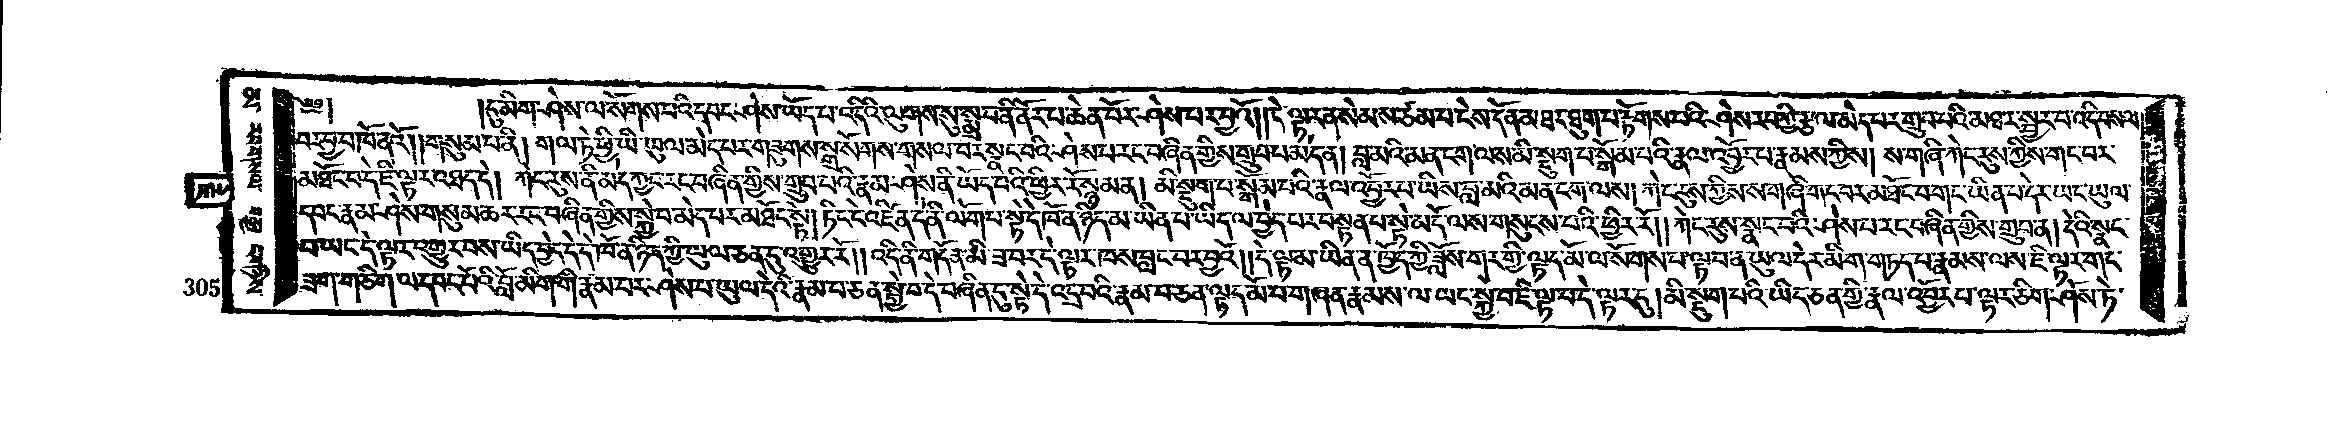༄༅། །དུ་མིག་ཤེས་ལ་སོགས་པའི་དབང་ཤེས་ཡོད་པ་འདིའི་ལུགས་སུ་སྨྲ་བ་ནི་ནོར་པ་ཆེན་པོར་ཤེས་པར་བྱའོ། །དེ་ལྟར་ན་སེམས་ཙམ་པ་ངེས་དོན་མཐར་ཐུག་པ་རྟོགས་པའི་ཤེས་རབ་ཀྱི་རྩལ་མེད་པར་གྲུབ་པའི་མཐར་སྦྱར་བ་འདི་བསལ་
བར་བྱ་བ་ཁོ་ནའོ། །གསུམ་པ་ནི། གལ་ཏེ་ཕྱི་ཡི་ཡུལ་མེད་པར་གཟུགས་སྒྲ་སོགས་གསལ་བར་སྣང་བའི་ཤེས་པ་རང་བཞིན་གྱིས་གྲུབ་པ་མེད་ན། བླ་མའི་མན་ངག་ལས་མི་སྡུག་པ་སྒོམ་པའི་རྣལ་འབྱོར་པ་རྣམས་ཀྱིས། ས་གཞི་ཀེང་རུས་ཀྱིས་གང་བར་
མཐོང་བ་དེ་ཇི་ལྟར་འཐད་དེ། ཀེང་རུས་ནི་མེད་ཀྱང་རང་བཞིན་གྱིས་གྲུབ་པའི་རྣམ་ཤེས་ནི་ཡོད་པའི་ཕྱིར་རོ་སྙམ་ན། མི་སྡུག་པ་སྒོམ་པའི་རྣལ་འབྱོར་པ་ཡིས་བླ་མའི་མན་ངག་ལས། ཀེང་རུས་ཀྱིས་ས་གཞི་གང་བར་མཐོང་བ་གང་ཡིན་པ་དེར་ཡང་ཡུལ་
དབང་རྣམ་ཤེས་གསུམ་ཆར་རང་བཞིན་གྱིས་སྐྱེ་བ་མེད་པར་མཐོང་སྟེ། ཏིང་ངེ་འཛིན་དེ་ནི་ལོག་པ་སྟེ་དེ་ཁོ་ན་ཉིད་མ་ཡིན་པ་ཡིད་ལ་བྱེད་པར་བསྟན་པ་སྟེ་མདོ་ལས་གསུངས་པའི་ཕྱིར་རོ། །ཀེང་རུས་སྣང་བའི་ཤེས་པ་རང་བཞིན་གྱིས་གྲུབ་ན། དེའི་སྣང་
བ་ཡང་དེ་ལྟར་འགྱུར་བས་ཡིད་བྱེད་དེ་དེ་ཁོ་ན་ཉིད་ཀྱི་ཡུལ་ཅན་དུ་འགྱུར་རོ། །འདི་ནི་གདོན་མི་ཟ་བར་དེ་ལྟར་ཁས་བླང་བར་བྱའོ། །དེ་ལྟ་མ་ཡིན་ན་ཁྱོད་ཀྱི་ཟློས་གར་གྱི་ལྟད་མོ་ལ་སོགས་པ་ལྟ་བ་ན་ཡུལ་དེར་མིག་གཏད་པ་རྣམས་ལས་ཇི་ལྟར་གང་
ཟག་གཅིག་ལ་དབང་པོའི་བློ་མིག་གི་རྣམ་པར་ཤེས་པ་ཡུལ་དེའི་རྣམ་པ་ཅན་སྐྱེ་བ་དེ་བཞིན་དུ་སྟེ་དེ་འདྲ་བའི་རྣམ་པ་ཅན་ལྟད་མོ་བ་གཞན་རྣམས་ལ་ཡང་སྐྱེ་བ་ཇི་ལྟ་བ་དེ་ལྟར་དུ། མི་སྡུག་པའི་ཡིད་ཅན་གྱི་རྣལ་འབྱོར་པ་ལྟར་ཅིག་ཤོས་ཏེ་